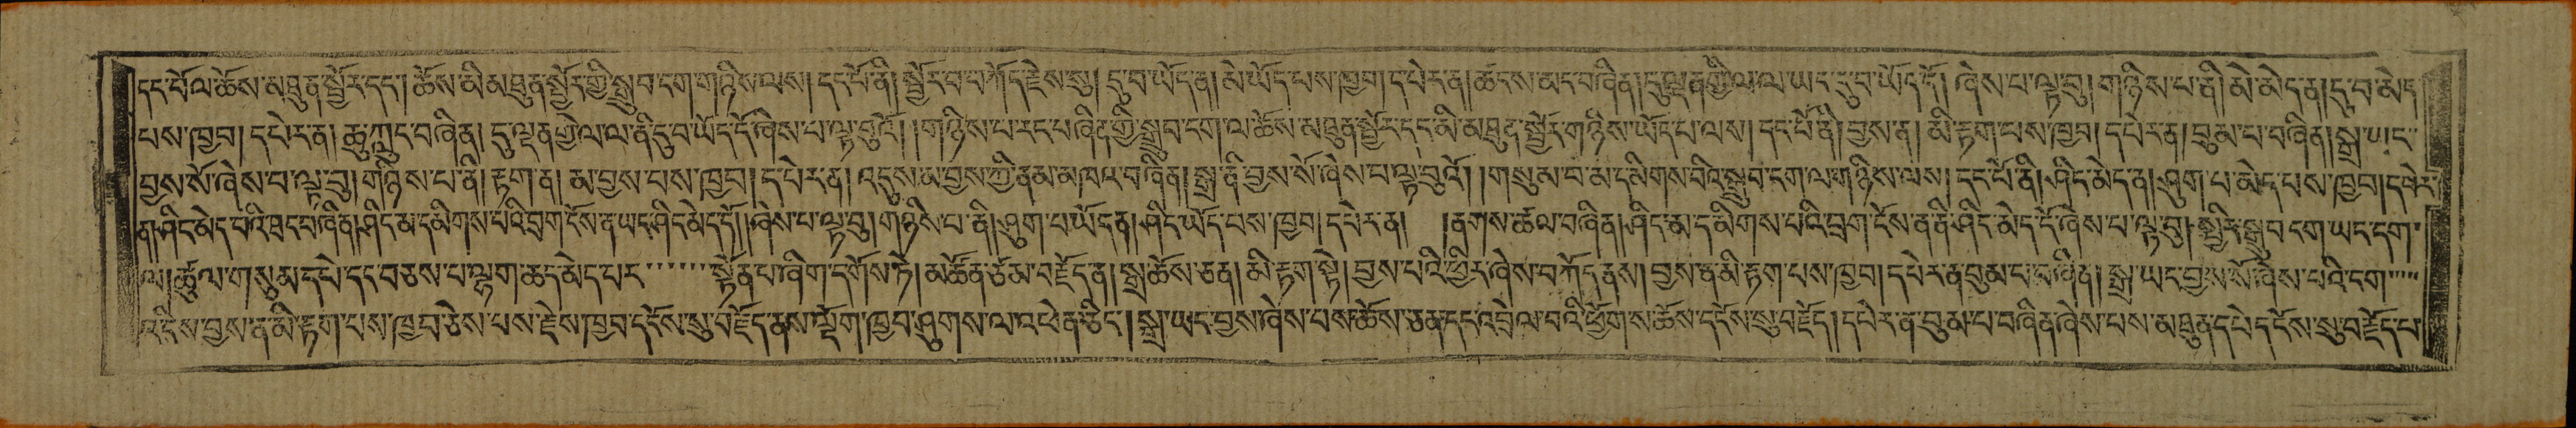དང་པོ་ལ་ཆོས་མཐུན་སྦྱོར་དང་། ཆོས་མི་མཐུན་སྦྱོར་གྱི་སྒྲུབ་ངག་གཉིས་ལས། དང་པོ་ནི། སྦྱོར་བ་བཀོད་རྗེས་སུ། དུ་བ་ཡོད་ན། མེ་ཡོད་པས་ཁྱབ། དཔེར་ན། ཚངས་མང་བཞིན། དུ་ལྡན་གྱི་ལ་ལ་ཡང་དུ་བ་ཡོད་དོ། ཞེས་པ་ལྟ་བུ། གཉིས་པ་ནི། མེ་མེད་ན། དུ་བ་མེད་
པས་ཁྱབ། དཔེར་ན། ཆུ་ཀླུང་བཞིན། དུ་ལྡན་གྱི་ལ་ལ་ནི་དུ་བ་ཡོད་དོ་ཞེས་པ་ལྟ་བུའོ། །གཉིས་པ་རང་བཞིན་གྱི་སྒྲུབ་ངག་ལ་ཆོས་མཐུན་སྦྱོར་དང་མི་མཐུན་སྦྱོར་གཉིས་ཡོད་པ་ལས། དང་པོ་ནི། བྱས་ན། མི་རྟག་པས་ཁྱབ། དཔེར་ན། བུམ་པ་བཞིན། སྒྲ་ཡང་
བྱས་སོ་ཞེས་པ་ལྟ་བུ། གཉིས་པ་ནི། རྟག་ན། མ་བྱས་པས་ཁྱབ། དཔེར་ན། འདུས་མ་བྱས་ཀྱི་ནམ་མཁའ་བཞིན། སྒྲ་ནི་བྱས་སོ་ཞེས་པ་ལྟ་བུའོ། །གསུམ་པ་མ་དམིགས་པའི་སྒྲུབ་དག་ལ་གཉིས་ལས། དང་པོ་ནི། ཤིང་མེད་ན། ཤུག་པ་མེད་པས་ཁྱབ། དཔེར་
ན། ཤིང་མེད་པའི་ཐང་བཞིན། ཤིང་མ་དམིགས་པའི་བྲག་ངོས་ན་ཡང་ཤིང་མེད་དོ། །ཞེས་པ་ལྟ་བུ། གཉིས་པ་ནི། ཤུག་པ་ཡོད་ན། ཤིང་ཡོད་པས་ཁྱབ། དཔེར་ན། །ནགས་ཚལ་བཞིན། ཤིང་མ་དམིགས་པའི་བྲག་ངོས་ན་ནི་ཤིང་མེད་དོ་ཞེས་པ་ལྟ་བུ། སྤྱིར་སྒྲུབ་ངག་ཡང་དག་
ལ། ཚུལ་གསུམ་དཔེ་དང་བཅས་པ་ལྷག་ཆད་མེད་པར་སྟོན་པ་ཞིག་དགོས་ཏེ། མཚོན་ཙམ་བརྗོད་ན། སྒྲ་ཆོས་ཅན། མི་རྟག་སྟེ། བྱས་པའི་ཕྱིར་ཞེས་བཀོད་ནས། བྱས་ན་མི་རྟག་པས་ཁྱབ། དཔེར་ན་བུམ་པ་བཞིན། སྒྲ་ཡང་བྱས་སོ་ཞེས་པའི་ངག་
འདིས་བྱས་ན་མི་རྟག་པས་ཁྱབ་ཅེས་པས་རྗེས་ཁྱབ་དངོས་སུ་བརྗོད་ནས་ལྡོག་ཁྱབ་ཤུགས་ལ་འཕེན་ཅིང་། སྒྲ་ཡང་བྱས་ཞེས་པས་ཆོས་ཅན་དང་འབྲེལ་བའི་ཕྱོགས་ཆོས་དངོས་སུ་བརྗོད། དཔེར་ན་བུམ་པ་བཞིན་ཞེས་པས་མཐུན་དཔེ་དངོས་སུ་བརྗོད་པ་